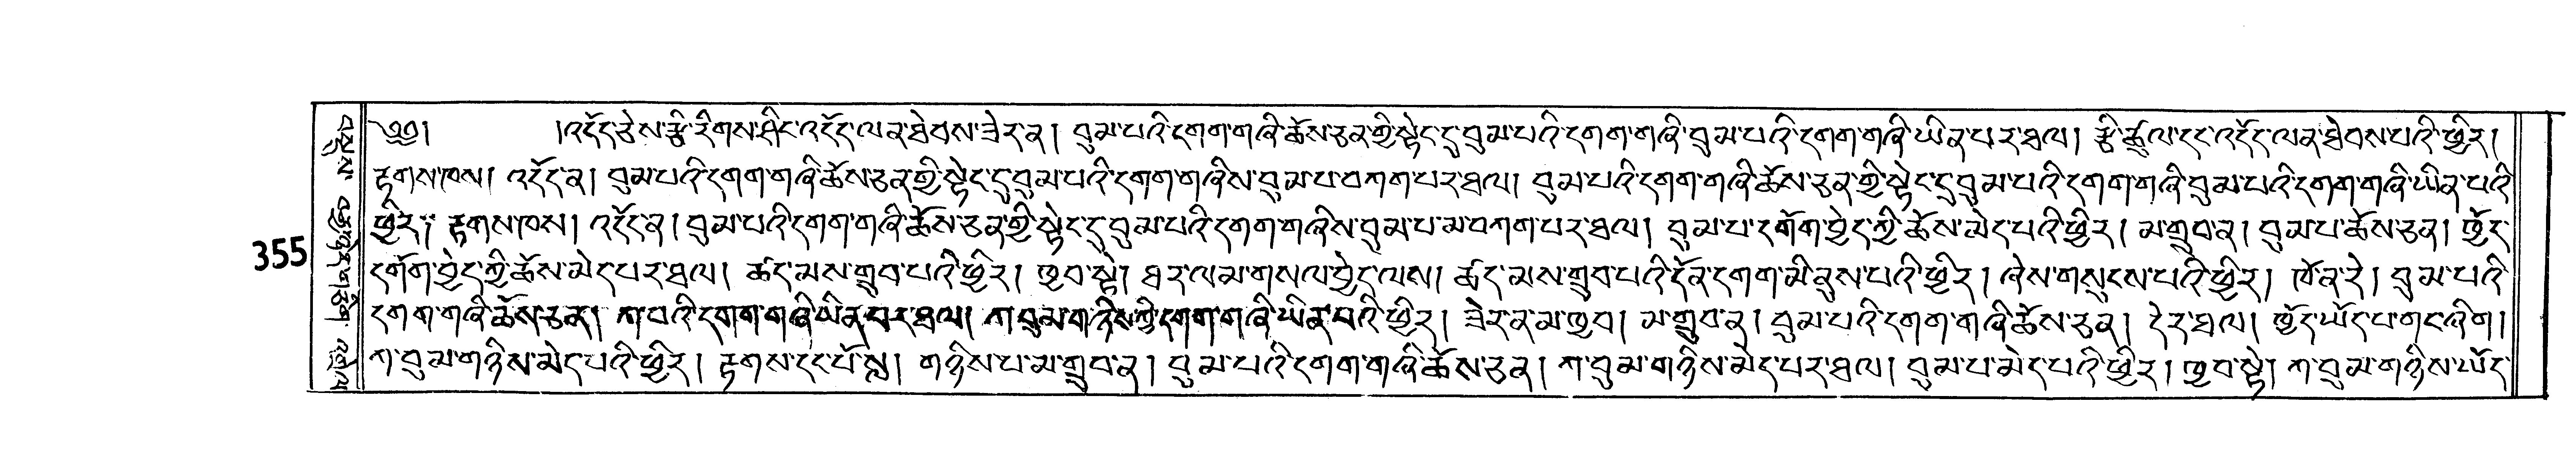༄༅། །འདོད་ཅེས་རྩི་རིགས་ཤིང་འདོད་ལན་ཐེབས་ཟེར་ན། བུམ་པའི་དགག་གཞི་ཆོས་ཅན་གྱི་སྟེང་དུ་བུམ་པའི་དགག་གཞི་བུམ་པའི་དགག་གཞི་ཡིན་པར་ཐལ། རྩི་ཚུལ་དང་འདོད་ལན་ཐེབས་པའི་ཕྱིར།
རྟགས་ཁས། འདོད་ན། བུམ་པའི་དགག་གཞི་ཆོས་ཅན་གྱི་སྟེང་དུ་བུམ་པའི་དགག་གཞིས་བུམ་པ་བཀག་པར་ཐལ། བུམ་པའི་དགག་གཞི་ཆོས་ཅན་གྱི་སྟེང་དུ་བུམ་པའི་དགག་གཞི་བུམ་པའི་དགག་གཞི་ཡིན་པའི་
ཕྱིར༑ རྟགས་ཁས། འདོད་ན། བུམ་པའི་དགག་གཞི་ཆོས་ཅན་གྱི་སྟེང་དུ་བུམ་པའི་དགག་གཞིས་བུམ་པ་མ་བགག་པར་ཐལ། བུམ་པ་དགོག་བྱེད་ཀྱི་ཆོས་མེད་པའི་ཕྱིར། མ་གྲུབ་ན། བུམ་པ་ཆོས་ཅན། ཁྱོད་
དགོག་བྱེད་ཀྱི་ཆོས་མེད་པར་ཐལ། ཚད་མས་གྲུབ་པའི་ཕྱིར། ཁྱབ་སྟེ། ཐར་ལམ་གསལ་བྱེད་ལས། ཚད་མས་གྲུབ་པའི་དོན་དགག་མི་ནུས་པའི་ཕྱིར། ཞེས་གསུངས་པའི་ཕྱིར། ཁོ་ན་རེ། བུམ་པའི་
དགག་གཞི་ཆོས་ཅན། ཀ་པའི་དགག་གཞི་ཡིན་པར་ཐལ། ཀ་བུམ་གཉིས་ཀྱི་དགག་གཞི་ཡིན་པའི་ཕྱིར། ཟེར་ན་མ་ཁྱབ། མ་གྲུབ་ན། བུམ་པའི་དགག་གཞི་ཆོས་ཅན། དེར་ཐལ། ཁྱོད་ཡོད་པ་གང་ཞིག།
ཀ་བུམ་གཉིས་མེད་པའི་ཕྱིར། རྟགས་དང་པོ་སླ། གཉིས་པ་མ་གྲུབ་ན། བུམ་པའི་དགག་གཞི་ཆོས་ཅན། ཀ་བུམ་གཉིས་མེད་པར་ཐལ། བུམ་པ་མེད་པའི་ཕྱིར། ཁྱབ་སྟེ། ཀ་བུམ་གཉིས་ཡོད་